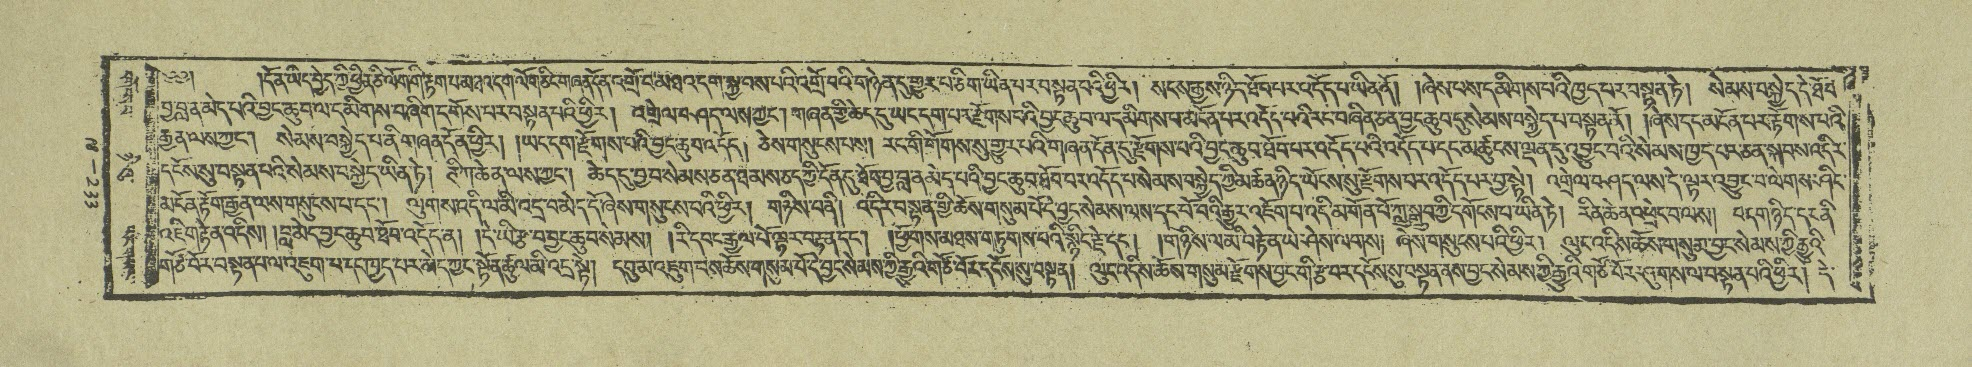༄༅། །དོན་ཡིད་བྱེད་ཀྱི་ཕྱིན་ཅི་ལོག་གི་རྟོག་པའི་མཐའ་དག་ལོ་གཅིང་གཞན་དོན་འགྲོ་བ་མཐའ་དག་སྐྱབས་པའི་འགྲོ་བའི་གཉེན་དུ་གྱུར་བ་ཅིག་ཡིན་པར་བསྟན་པའི་ཕྱིར། སངས་རྒྱས་ཉིད་ཐོབ་པར་འདོད་པ་ཡིན་ནོ། །ཞེས་པས་དམིགས་པའི་ཁྱད་པར་བསྟན་ཏེ། སེམས་བསྐྱེད་དེ་ཐབ་
བྱ་བླ་ན་མེད་པའི་བྱང་ཆུབ་ལ་དམིགས་པ་ཞིག་དགོས་པར་བསྟན་པའི་ཕྱིར། འགྲེལ་བཤད་ལས་ཀྱང་། གཞན་གྱི་ཆེད་དུ་ཡང་དག་པར་རྫོགས་པའི་བྱང་ཆུབ་ལ་དམིགས་པ་མངོན་པར་འདོད་པའི་རང་བཞིན་ཅན་བྱང་ཆུབ་དུ་སེམས་བསྐྱེད་པ་བསྟན་ནོ། །ཞེས་དང་མངོན་པར་རྟོགས་པའི་
རྒྱན་ལས་ཀྱང་། སེམས་བསྐྱེད་པ་ནི་གཞན་དོན་ཕྱིར། །ཡང་དག་རྫོགས་པའི་བྱང་ཆུབ་འདོད། ཅེས་གསུངས་པས། རང་གི་གྲོགས་སུ་གྱུར་པའི་གཞན་དོན་དུ་རྫོགས་པའི་བྱང་ཆུབ་ཐོབ་པར་འདོད་པའི་འདོད་པ་དང་མཚུངས་ལྡན་དུ་འབྱུང་བའི་སེམས་ཁྱད་པར་ཅན་སྐབས་འདིར་
དངོས་སུ་བསྟན་པའི་སེམས་བསྐྱེད་ཡིན་ཏེ། ཊིཀ་ཆེན་ལས་ཀྱང་། ཆེད་དུ་བྱ་བ་སེམས་ཅན་ཐམས་ཅད་ཀྱི་དོན་དུ་ཐོབ་བྱ་བླ་ན་མེད་པའི་བྱང་ཆུབ་ཐོབ་པར་འདོད་པ་སེམས་བསྐྱེད་ཀྱི་མཚན་ཉིད་ཡོངས་སུ་རྫོགས་པར་འདོད་པར་བྱ་སྟེ། འགྲེལ་བཤད་ལས་དེ་ལྟར་འབྱུང་བ་ལེགས་ཤིང་
མངོན་རྟོག་རྒྱན་ལས་གསུངས་པ་དང་། ལུགས་འདི་ལ་མི་འདྲ་བ་མེད་དོ་ཞེས་གསུངས་པའི་ཕྱིར། གཉིས་པ་ནི། འདིར་བསྟན་གྱི་ཆོས་གསུམ་པོ་དེ་བྱང་སེམས་ལས་དང་པོ་བའི་རྒྱུར་འཇོག་པ་འདི་མགོན་པོ་ཀླུ་སྒྲུབ་ཀྱི་དགོངས་པ་ཡིན་ཏེ། རིན་ཆེན་འཕྲེང་བ་ལས། བདག་ཉིད་དང་ནི་
འཇིག་རྟེན་འདིས། །བླ་མེད་བྱང་ཆུབ་ཐོབ་འདོད་ན། །དེ་ཡི་རྩ་བ་བྱང་ཆུབ་སེམས། །རི་དབང་རྒྱལ་པོ་ལྟར་བརྟན་དང་། །ཕྱོགས་མཐས་གཏུགས་པའི་སྙིང་རྗེ་དང་། །གཉིས་ལ་མི་བརྟེན་ཡེ་ཤེས་ལགས། ཞེས་གསུངས་པའི་ཕྱིར། ལུང་འདིས་ཆོས་གསུམ་བྱང་སེམས་ཀྱི་རྒྱུའི་
གཙོ་བོར་བསྟན་པ་ལ་འཇུག་པ་དང་ཁྱད་པར་མེད་ཀྱང་སྟོན་ཚུལ་མི་འདྲ་སྟེ། དབུ་མ་འཇུག་པས་ཆོས་གསུམ་པོ་དེ་བྱང་སེམས་ཀྱི་རྒྱུའི་གཙོ་བོར་དངོས་སུ་བསྟན། ལུང་འདིས་ཆོས་གསུམ་རྫོགས་བྱང་གི་རྩ་བར་དངོས་སུ་བསྟན་ནས་བྱང་སེམས་ཀྱི་རྒྱུའི་གཙོ་བོར་ཤུགས་ལ་བསྟན་པའི་ཕྱིར། དེ་